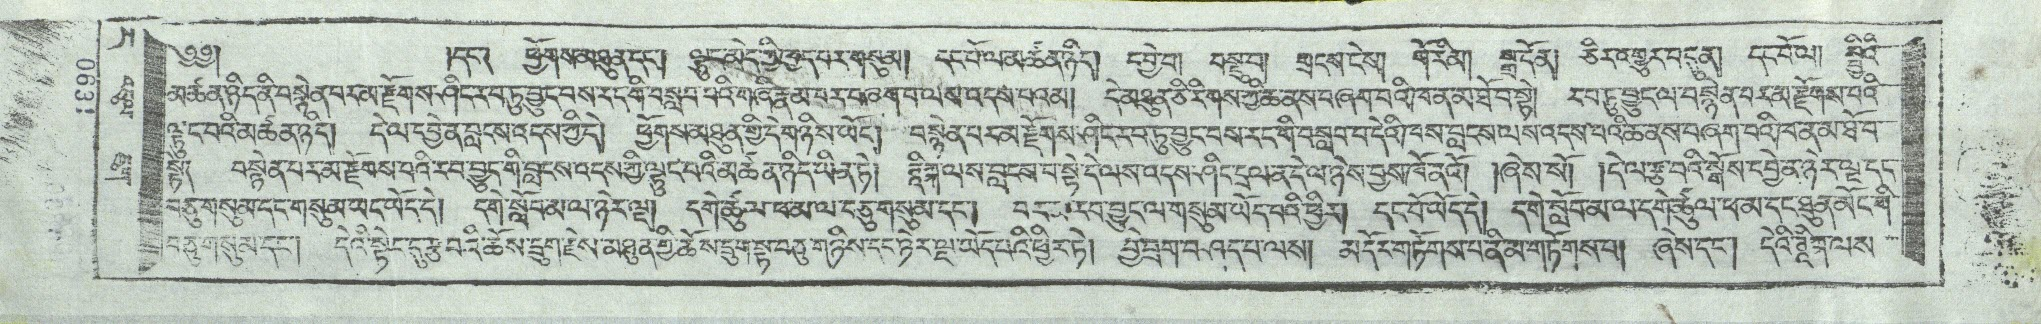༄༅། །དང་། ཕྱོགས་མཐུན་དང་། ལྟུང་མེད་ཀྱི་ཁྱད་པར་གསུམ། དང་པོ་ལ་མཚན་ཉིད། དབྱེ་བ། བསྡུ་བ། གྲངས་ངེས། གོ་རིམ། སྒྲ་དོན། ཅིར་འགྱུར་བདུན། དང་པོ་ལ། སྤྱིའི་
མཚན་ཉིད་ནི་བསྙེན་པར་མ་རྫོགས་ཤིང་རབ་ཏུ་བྱུང་བས་རང་གི་བསླབ་པའི་གཞི་རྣམ་པར་བཞག་པ་ལས་འདས་པའམ། དེ་མཐུན་ཅི་རིགས་ཀྱི་ཆ་ནས་བཞག་པའི་ཁ་ན་མ་ཐོ་བ་སྟེ། རབ་ཏུ་བྱུང་ལ་བསྙེན་པར་མ་རྫོགས་པའི་
ལྟུང་བའི་མཚན་ཉིད། དེ་ལ་དབྱེ་ན་བླངས་འདས་ཀྱི་དེ། ཕྱོགས་མཐུན་གྱི་དེ་གཉིས་ཡོད། བསྙེན་པར་མ་རྫོགས་ཤིང་རབ་ཏུ་བྱུང་བས་རང་གི་བསླབ་པ་དེའི་ཁས་བླངས་ལས་འདས་པའི་ཆ་ནས་བཞག་པའི་ཁ་ན་མ་ཐོ་བ་
སྟེ། བསྙེན་པར་མ་རྫོགས་པའི་རབ་བྱུང་གི་བླངས་འདས་ཀྱི་ལྟུང་བའི་མཚན་ཉིད་ཡིན་ཏེ། ཊཱིཀྐ་ལས་བླངས་པ་སྟེ་དེ་ལས་འདས་ཤིང་དྲལ་ན་དེ་ལ་ཉེས་བྱས་ཁོ་ནའོ། །ཞེས་སོ། །དེ་ལ་རྩ་བའི་སྒོས་དབྱེ་ན་ཉེར་ལྔ་དང་
བཅུ་གསུམ་དང་གསུམ་ཡང་ཡོད་དེ། དགེ་སློབ་མ་ལ་ཉེར་ལྔ། དགེ་ཚུལ་ཕ་མ་ལ་བཅུ་གསུམ་དང་། བར་མ་རབ་བྱུང་ལ་གསུམ་ཡོད་པའི་ཕྱིར། དང་པོ་ཡོད་དེ། དགེ་སློབ་མ་ལ་དགེ་ཚུལ་ཕ་མ་དང་ཐུན་མོང་གི་
བཅུ་གསུམ་དང་། དེའི་སྟེང་དུ་རྩ་བའི་ཆོས་དྲུག་རྗེས་མཐུན་གྱི་ཆོས་དྲུག་སྟ་བཅུ་གཉིས་དང་ཉེར་ལྔ་ཡོད་པའི་ཕྱིར་ཏེ། བྱེ་བྲག་བཤད་པ་ལས། མདོར་གཏོགས་པ་ནི་མ་གཏོགས་པ། ཞེས་དང་། དེའི་ཊཱིཀྐ་ལས་